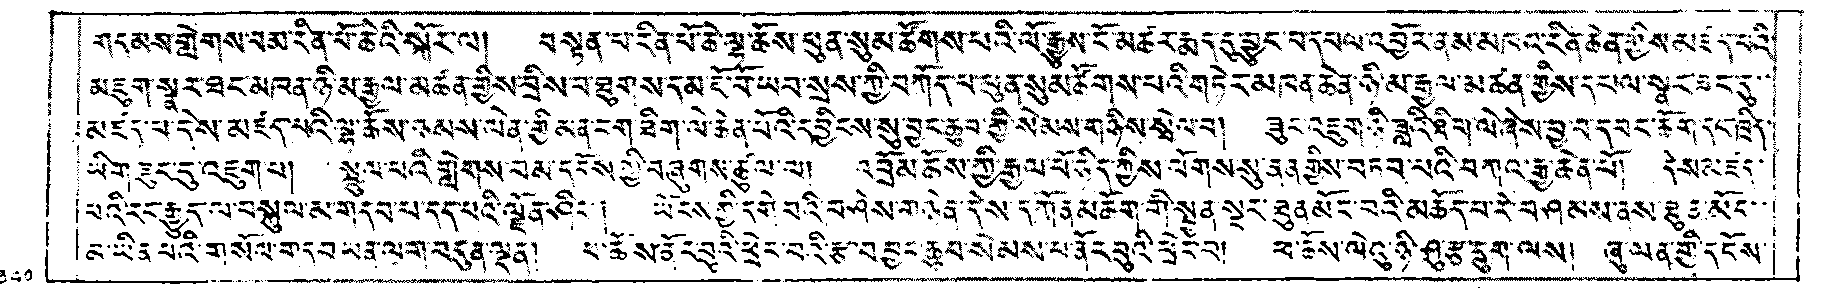གདམས་གླེགས་བམ་རིན་པོ་ཆེའི་སྐོར་ལ། བསྟན་པ་རིན་པོ་ཆེ་ལྷ་ཆོས་ཕུན་སུམ་ཚོགས་པའི་ལོ་རྒྱུས་ངོ་མཚར་རྨད་དུ་བྱུང་བ་དཔལ་འབྱོར་ནམ་མཁའ་རིན་ཆེན་གྱིས་མཛད་པའི་
མཇུག་སྣར་ཐང་མཁན་ཉི་མ་རྒྱལ་མཚན་གྱིས་བྲིས་པ་ཐུགས་དམ་ཇོ་བོ་ཡབ་སྲས་ཀྱི་བཀོད་པ་ཕུན་སུམ་ཚོགས་པའི་གཏེར་མཁན་ཆེན་ཉི་མ་རྒྱལ་མཚན་གྱིས་དཔལ་སྣར་ཐང་དུ་
མཛད་པ་དེས་མཛད་པའི་ལྷ་ཆོས་ཉམས་ལེན་གྱི་མན་ངག་ཐིག་ལེ་ཆེན་པོའི་དབྱིངས་སུ་བྱང་ཆུབ་ཀྱི་སེམས་གཉིས་སྤེལ་བ། ཟུང་འཇུག་ཉི་ཟླའི་ཐིག་ལེའི་ཞེས་བྱ་བ་དབང་ཆོག་དང་ཁྲིད་
ཡིག་ཟུང་དུ་འཇུག་པ། སྤྲུལ་པའི་གླེགས་བམ་དངོས་ཀྱི་བཞུགས་ཚུལ་ལ། འབྲོམ་ཆོས་ཀྱི་རྒྱལ་པོ་ཉིད་ཀྱིས་ལོགས་སུ་ནན་གྱིས་བཏབ་པའི་བཀའ་རྒྱ་ཆེན་པོ། དེས་མཛད་
པའི་རང་རྒྱུད་ལ་བསྐུལ་མ་གདབ་པ་དད་པའི་ལྗོན་ཤིང་། ཡོངས་ཀྱི་དགེ་བའི་བཤེས་གཉེན་དེས་དཀོན་མཆོག་གི་སྤྱན་སྔར་ཐུན་མོང་བའི་མཆོད་པ་རེ་བཤམས་ནས་ཐུན་མོང་
མ་ཡིན་པའི་གསོལ་གདབ་ཡན་ལག་བདུན་ལྡན། ཕ་ཆོས་ནོར་བུའི་ཕྲེང་བའི་རྩ་བ་བྱང་ཆུབ་སེམས་པ་ནོར་བུའི་ཕྲེང་བ། ཕ་ཆོས་ལེའུ་ཉི་ཤུ་རྩ་དྲུག་ལས། ཞུ་ལན་གྱི་དངོས་